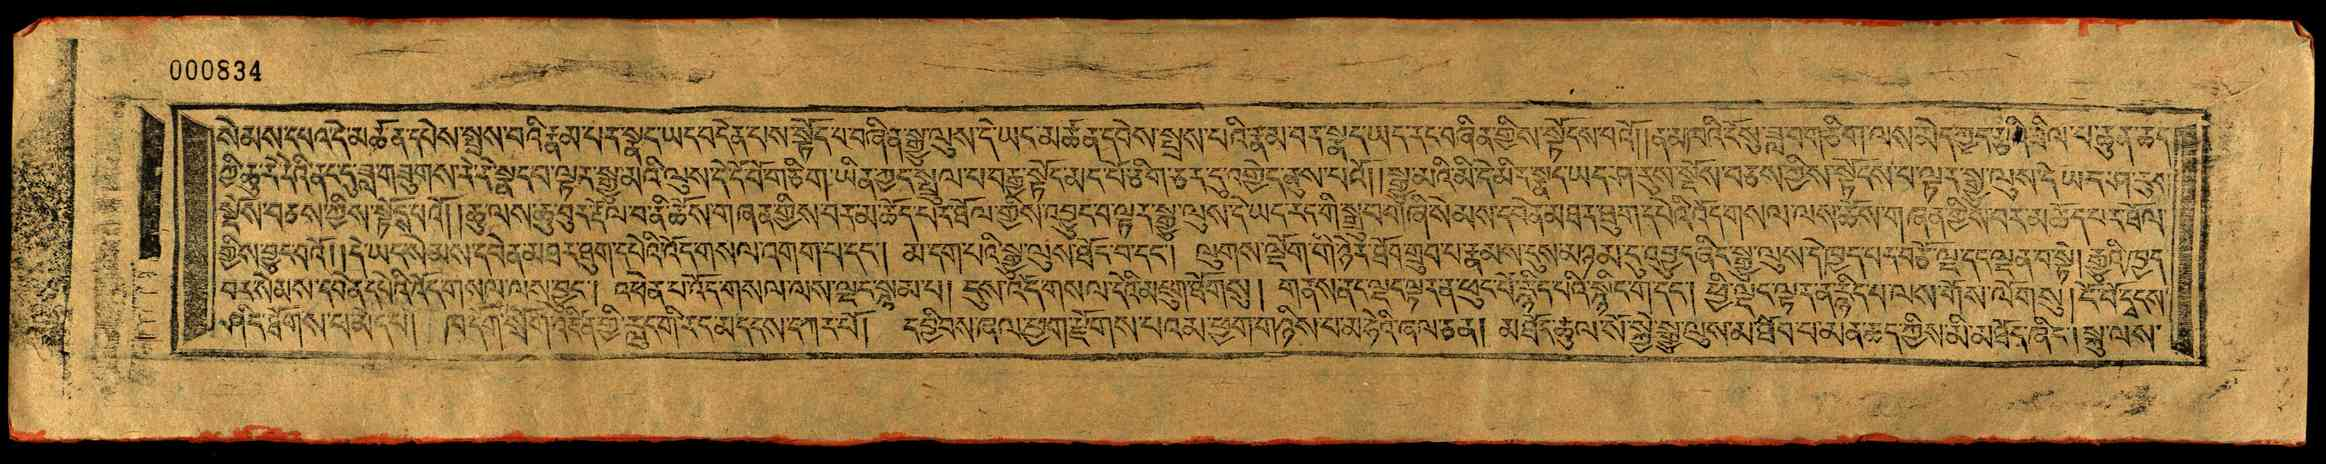སེམས་དཔའ་དེ་མཚན་དཔེས་སྤྲས་པའི་རྣམ་པར་སྣང་ཡང་བདེན་པས་སྟོང་པ་བཞིན་སྒྱུ་ལུས་དེ་ཡང་མཚན་དཔེས་སྤྲས་པའི་རྣམ་པར་སྣང་ཡང་རང་བཞིན་གྱིས་སྟོངས་པའོ། །ནམ་མཁའི་ངོས་སུ་ཟླ་བ་གཅིག་ལས་མེད་ཀྱང་རྩའི་ཟིལ་པ་ཚུན་ཆད་
ཀྱི་ཆུ་རེ་རེའི་ནང་དུ་ཟླ་གཟུགས་རེ་རེ་སྣང་བ་ལྟར་སྒྱུ་མའི་ལུས་དེ་ངོ་བོ་གཅིག་ཡིན་ཀྱང་སྤྲུལ་པ་བརྒྱ་སྟོང་མང་པོ་ཅིག་ཅར་དུ་འགྱེད་ནུས་པའོ། །སྒྱུ་མའི་མི་དེ་མིར་སྣང་ཡང་ཤ་རུས་སྔོས་བཅས་ཀྱིས་སྟོངས་པ་ལྟར་སྒྱུ་ལུས་དེ་ཡང་ཤ་རུས་
སྡོས་བཅས་ཀྱིས་སྟོངས་པའོ། །ཆུ་ལས་ཆུ་བུར་རྡོལ་བ་ནི་ཆོས་གཞན་གྱིས་བར་མ་ཆོད་པར་ཐོལ་གྱིས་འབྱུང་བ་ལྟར་སྒྱུ་ལུས་དེ་ཡང་རང་གི་སྒྲུབ་གཞི་སེམས་དབེན་མཐར་ཐུག་དཔེའི་འོད་གསལ་ལས་ཆོས་གཞན་གྱིས་བར་མཆོད་པར་ཐོལ་
གྱིས་བྱུང་བའོ། །དེ་ཡང་སེམས་དབེན་མཐར་ཐུག་དཔེའི་འོད་གསལ་འགག་པ་དང་། མ་དག་པའི་སྒྱུ་ལུས་ཐོབ་པ་དང་། ལུགས་ལྡོག་གི་ཉེར་ཐོབ་གྲུབ་པ་རྣམས་དུས་མཉམ་དུ་འབྱུང་ཞིང་སྒྱུ་ལུས་དེ་ཁྱད་པར་བཅོ་ལྔ་དང་ལྡན་པ་སྟེ། རྒྱུའི་ཁྱད་
པར་སེམས་དབེན་དཔེའི་འོད་གསལ་ལས་བྱུང་། འཕེན་པ་འོད་གསལ་ལས་ལྡང་སྙམ་པ། དུས་འོད་གསལ་དེའི་མཇུག་ཐོགས་སུ། གནས་ནང་ལྡང་ལྟར་ན་ཕུང་པོ་རྙིང་པའི་སྙིང་ག་དང་། ཕྱི་ལྡང་ལྟར་ན་རྙིང་པ་ལས་གོ་ས་ལོགས་སུ། ངོ་བོ་དྭངས་
ཤིང་ཐོགས་པ་མེད་པ། ཁ་དོག་སྲོག་འཛིན་གྱི་རླུང་གི་རང་མདངས་དཀར་པོ། དབྱིབས་ཞལ་ཕྱག་རྫོགས་པའམ་ཕྱག་གཉིས་པ་མ་ཧེའི་ཞལ་ཅན། མཐོང་ཚུལ་སོ་སྐྱེ་སྒྱུ་ལུས་མ་ཐོབ་པ་མན་ཆད་ཀྱིས་མི་མཐོང་ཞིང་། སྐུ་ལས་